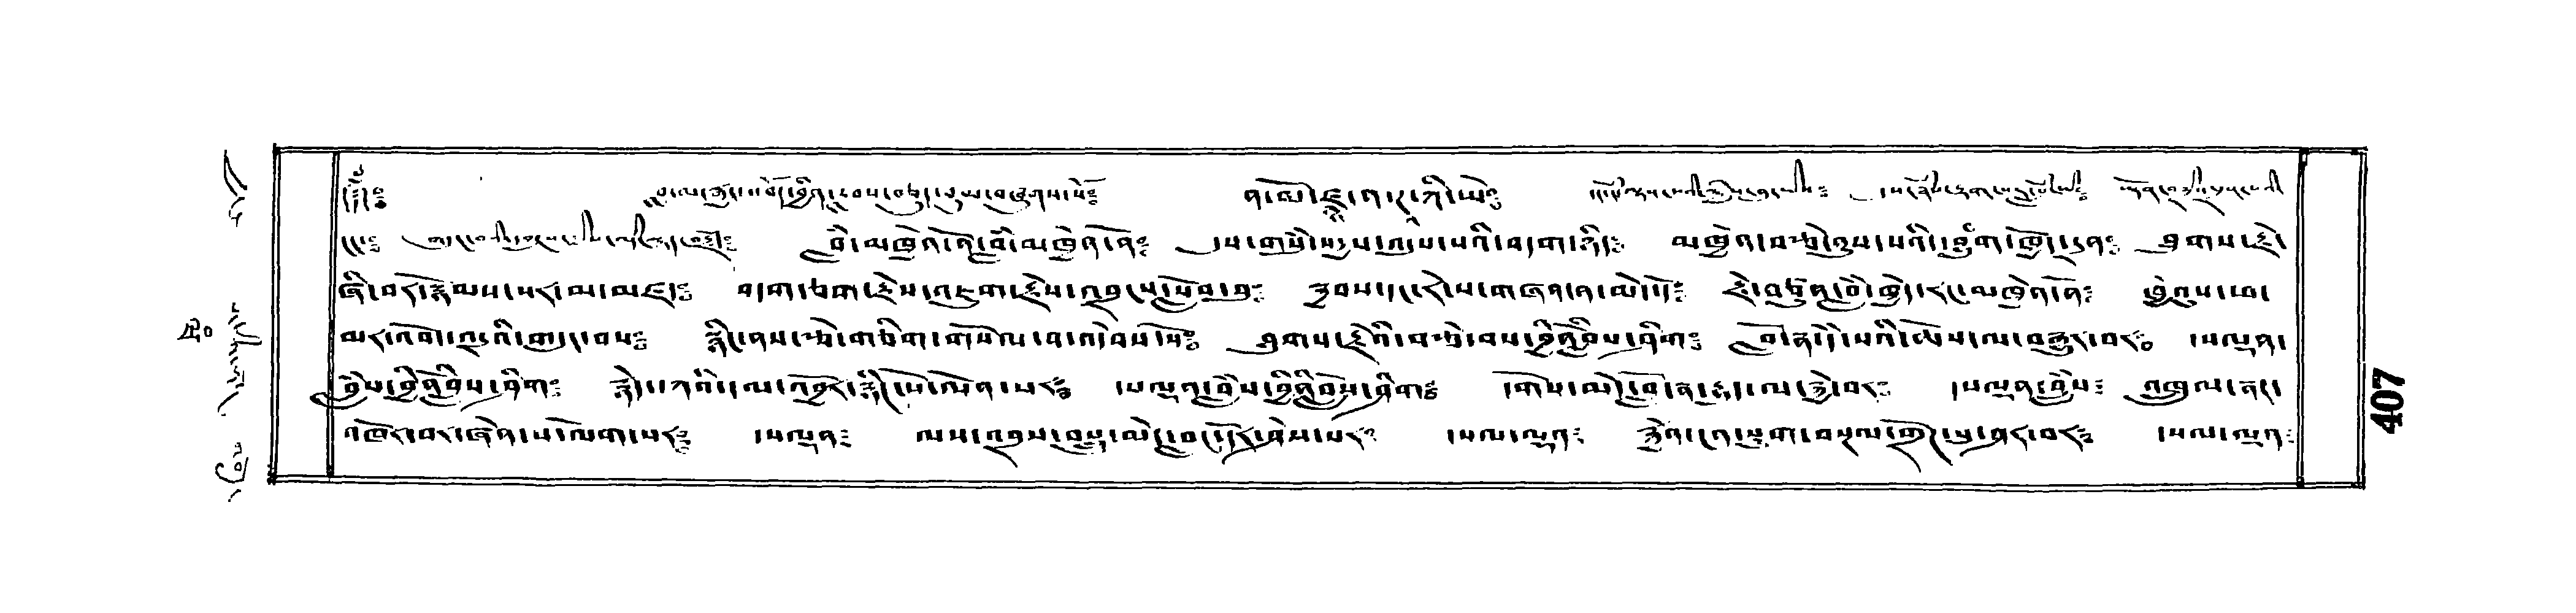བླ་མ་རྒྱང་འབོད་བྱིན་རླབས་བཅུད་བུམ་བཞུགས་སོ༔ ན་མོ་ཛྙཱ་ན་ཌཱ་ཀི་ཡེ༔ དད་དམ་ལྡན་པའི་སྐྱེས་བུ་ཡིས༔ དུས་རྣམས་རྟག་པར་བླ་མ་ཡི༔ ཡོན་ཏན་བཀའ་དྲིན་དྲན་པའི་
ངང༔ གདུང་བའི་དབྱངས་ཀྱི་འདི་སྐད་བརྗོད༔ བླ་མ་མཁྱེན་ནོ་བླ་མ་མཁྱེན་ནོ༔ དུས་གསུམ་སངས་རྒྱས་འདུས་པའི་བདག་ཉིད༔ མཁྱེན་བརྩེ་ནུས་པའི་དབང་ཕྱུག་ཁྱོད་དྲན༔ ཐུགས་རྗེ་
ཞི་བར་སྙོམས་པར་མ་མཛད༔ བདག་ཅག་རྗེས་འཇུག་རྗེས་འབྲངས་སློབ་བུ༔ སྐྱབས་དང་རེ་ས་གཞན་ན་མེད་དོ༔ རྗེ་བཙུན་བླ་མ་ཁྱེད་རང་མཁྱེན་ནོ༔ ཁྱེའུས་ཕ་
མར་འབོད་འདྲའི་གདུང་བས༔ སྙིང་ནས་རྩེ་གཅིག་གསོལ་བ་འདེབས་སོ༔ ཐུགས་རྗེའི་བརྩེ་བས་བྱིན་གྱིས་རློབས་ཤིག༔ བློ་སྣ་དམ་པའི་ཆོས་ལ་བསྒྱུར་བར༔ དཔལ་ལྡན་
བླ་མས་བྱིན་གྱིས་རློབས་ཤིག༔ རྙེད་དཀའི་དལ་འབྱོར་སྙིང་པོ་ལོན་པར༔ དཔལ་ལྡན་བླ་མས་བྱིན་གྱིས་རློབས་ཤིག༔ དགོས་མེད་བློ་སྣ་རྒྱུད་ལ་སྐྱེ་བར༔ དཔལ་ལྡན་བླ་མས༴ འཁྲུལ་སྣང་
འཁོར་བར་ཞེན་པ་ལོག་པར༔ དཔལ་ལྡན༴ ལས་འབྲས་བསླུ་མེད་བླང་དོར་ཤེས་པར༔ དཔལ་ལྡན༴ རྐྱེན་ངན་སྡུག་བསྔལ་གྲོགས་སུ་ཤར་བར༔ དཔལ་ལྡན༴